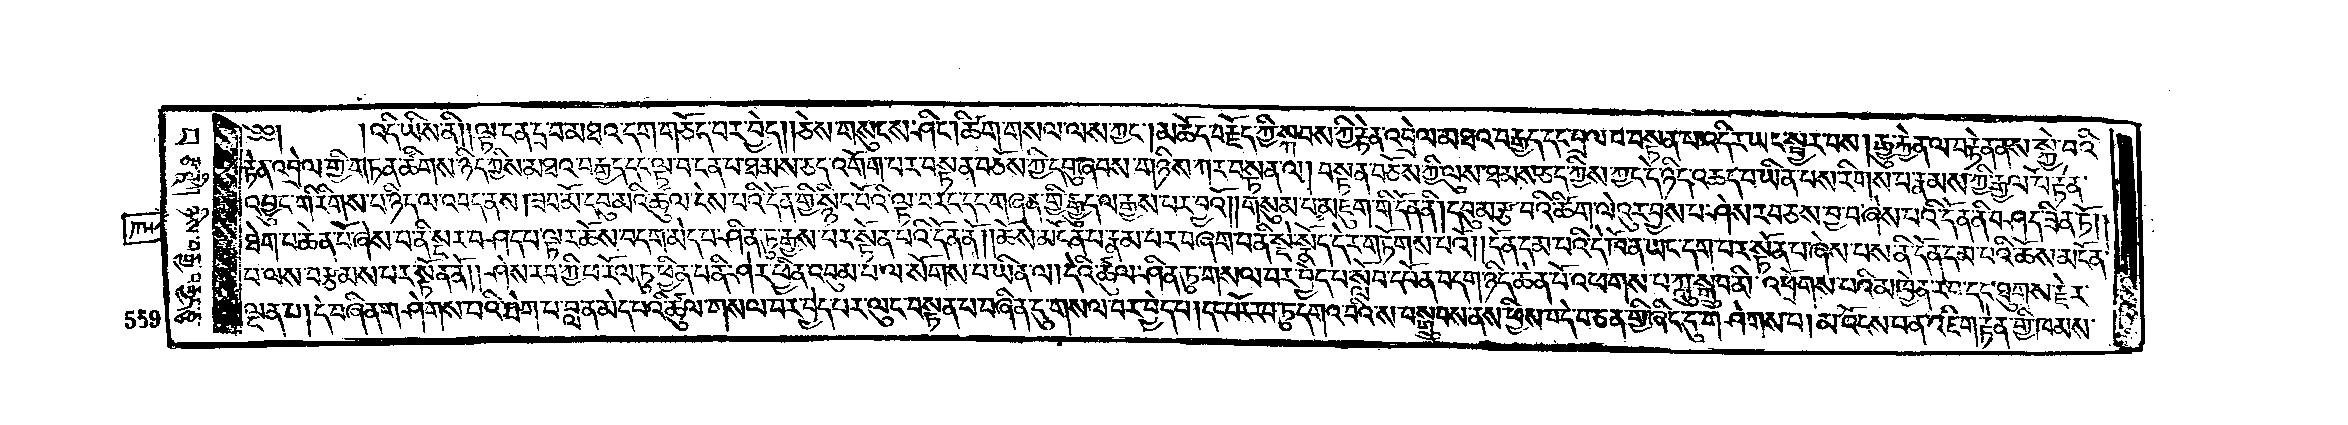༄༅། །འདི་ཡིས་ནི། །ལྟ་ངན་བ་མཐའ་དག་གཅོད་པར་བྱེད། །ཅེས་གསུངས་ཤིང་། ཆིག་གསལ་ལས་ཀྱང་། མཆོད་བརྗོད་ཀྱི་སྐབས་ཀྱི་རྟེན་འབྲེལ་མཐའ་བརྒྱད་དང་བྲལ་བ་བསྟན་པ་འདིར་ཡང་སྦྱར་བས། རྒྱུ་རྐྱེན་ལ་བརྟེན་ནས་སྐྱེ་བའི་
རྟན་འབྲེལ་གྱི་གཏན་ཚིགས་ཉིད་ཀྱིས་མཐའ་བརྒྱད་དང་ལྟ་བ་ངན་པ་ཐམས་ཅད་འགོག་པར་བསྟན་བཅོས་ཀྱི་དབུ་ཞབས་གཉིས་ཀར་བསྟན་ལ། བསྟན་བཅོས་ཀྱི་ལུས་ཐམས་ཅད་ཀྱིས་ཀྱང་དེ་ཉིད་འཆད་པ་ཡིན་པས་རིགས་པ་རྣམས་ཀྱི་རྒྱལ་པོ་རྟེན་
འབྱུང་གི་རིགས་པ་ཉིད་ལ་འབད་ནས། ཟབ་མོ་དབུ་མའི་ཚུལ་ངེས་པའི་དོན་གྱི་སྙིང་པོའི་ལྟ་བ་རང་དང་གཞན་གྱི་རྒྱུད་ལ་རྒྱས་པར་བྱའོ། །གསུམ་པ་མཇུག་གི་དོན་ནི། དབུ་མ་ཙ་བའི་ཚིག་ལེའུར་བྱས་པ་ཤེས་རབ་བཅས་བྱ་བ་ཞེས་པའི་དོན་ནི་བཤད་ཟིན་ཏོ།།
ཐེག་པ་ཆེན་པོ་ཞེས་པ་ནི་སྔར་བཤད་པ་ལྟར་ཆོས་བདག་མེད་པ་ཤིན་ཏུ་རྒྱས་པར་སྟོན་པའི་དོན་ནོ། །ཆོས་མངོན་པ་རྣམ་པར་བཞག་པ་ནི་སྡེ་སྣོད་དེར་གཏོགས་པའོ། །དོན་དམ་པའི་དེ་ཁོ་ན་ཡང་དག་པར་སྟོན་པ་ཞེས་པས་ནི་དོན་དམ་པའི་ཆོས་མངོན་
པ་ལས་བརྩམས་པར་སྟོན་ནོ། །ཤེས་རབ་ཀྱི་ཕ་རོལ་ཏུ་ཕྱིན་པ་ནི་ཤེར་ཕྱིན་འབུམ་པ་ལ་སོགས་པ་ཡིན་ལ། དེའི་ཚུལ་ཤིན་ཏུ་གསལ་བར་བྱེད་པ་སློབ་དཔོན་བདག་ཉིད་ཆེན་པོ་འཕགས་པ་ཀླུ་སྒྲུབ་མི་འཕྲོགས་པའི་མཁྱེན་རབ་དང་ཐུགས་རྗེར་
ལྡན་པ། དེ་བཞིན་གཤེགས་པའི་ཐེག་པ་བླ་ན་མེད་པའི་ཚུལ་གསལ་བར་བྱེད་པར་ལུང་བསྟན་པ་བཞིན་དུ་གླས་བར་བྱེད་པ། དང་པོར་རབ་ཏུ་དགའ་བའི་ས་བསྒྲུབ་ནས་ཕྱིས་བདེ་བ་ན་གྱི་ཞིང་དང་གཤེགས་པ། མ་འོངས་པ་ན་འཇིག་རྟེན་གྱི་ཁམས་